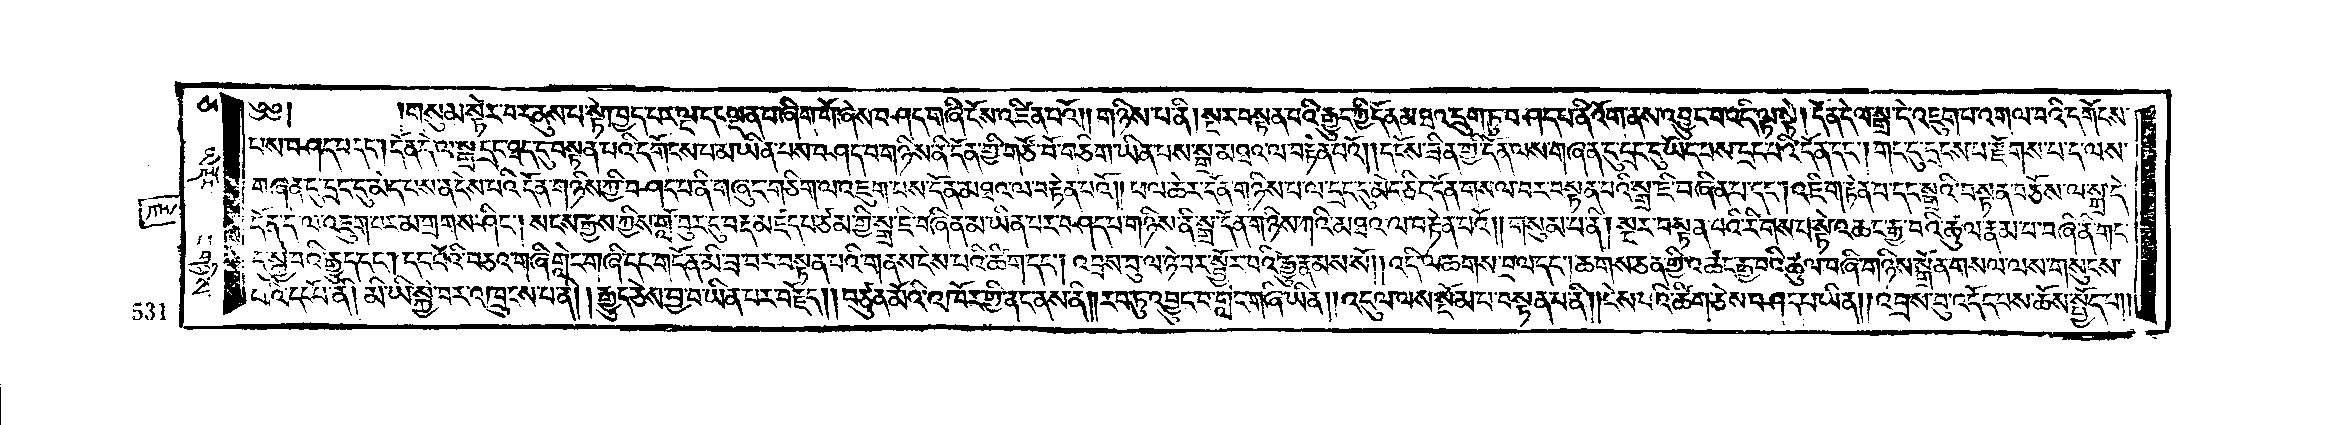༄༅། །གསུམ་སྟེར་བར་ནུས་པ་སྟེ་ཁྱད་པར་ལྔ་དང་ལྡན་པ་ཞིག་གོ་ཞེས་བཤད་གཞི་ངོས་འཛིན་པའོ། །གཉིས་པ་ནི། སྔར་བསྟན་པའི་རྒྱུད་ཀྱི་དོན་མཐའ་དྲུག་ཏུ་བཤད་པ་ནི་འོག་ནས་འབྱུང་བ་འདི་ལྟ་སྟེ། དོན་དེ་ལ་སྒྲ་དེ་འཇུག་པ་འགལ་བའི་དགོངས་
པས་བཤད་པ་དང་། དོན་དེ་ལ་སྒྲ་དྲང་ཐད་དུ་བསྟན་པའི་དགོངས་པ་མ་ཡིན་པས་བཤད་པ་གཉིས་ནི་དོན་གྱི་གཙོ་བོ་གཅིག་ཡིན་པས་སྒྲ་མཐའ་ལ་བརྟེན་པའོ། །དངོས་ཟིན་གྱི་དོན་ལས་གཞན་དུ་དྲང་དུ་ཡོད་པས་དྲང་བའི་དོན་དང་། གང་དུ་དྲངས་པ་རྫོགས་པ་དེ་ལས་
གཞན་དུ་དྲང་དུ་མེད་པས་ན་ངེས་པའི་དོན་གཉིས་ཀྱི་བཤད་པ་ནི་གཞུང་གཅིག་ལ་འཇུག་པས་དོན་མཐའ་ལ་བརྟེན་པའོ། །ཕལ་ཆེར་དོན་གཉིས་པ་ལ་དྲང་དུ་མེད་ཅིང་དོན་གསལ་བར་བསྟན་པའི་སྒྲ་ཇི་བཞིན་པ་དང་། འཇིག་རྟེན་པ་དང་སྒྲའི་བསྟན་བཅོས་ལ་སྒྲ་དེ་
དོན་དེ་ལ་འཇུག་པར་མ་གྲགས་ཤིང་། སངས་རྒྱས་ཀྱིས་གློ་བུར་དུ་བརྡ་མཛད་པ་ཙམ་གྱི་སྒྲ་ཇི་བཞིན་མ་ཡིན་པར་བཤད་པ་གཉིས་ནི་སྒྲ་དོན་གཉིས་ཀའི་མཐའ་ལ་བརྟེན་པའོ། །གསུམ་པ་ནི། སྔར་བསྟན་པའི་རིགས་པ་སྟེ་འཆང་རྒྱ་བའི་ཚུལ་རྣམ་པ་བཞི་ནི་གང་
དུ་སྐྱེ་བའི་རྒྱུད་དང་། དང་པོའི་བཅའ་གཞི་གླེང་གཞི་དང་གདོན་མི་ཟ་བར་བསྟན་པའི་གནས་ངེས་པའི་ཚིག་དང་། འབྲས་བུ་ལ་ཉེ་བར་སྦྱོར་བའི་རྒྱུ་རྣམས་སོ། །འདི་ལ་ཆགས་བྲལ་དང་། ཆགས་ཅན་གྱི་འཚང་རྒྱ་བའི་ཚུལ་བཞི་གཉིས་སྒྲོན་གསལ་ལས་གསུངས་
པའི་དང་པོ་ནི། མི་ཡི་སྐྱེ་བར་འཁྲུངས་པ་ནི། །རྒྱུད་ཅེས་བྱ་བ་ཡིན་པར་བརྗོད། །བཙུན་མོའི་འཁོར་གྱི་ནང་ནས་ནི། །རབ་ཏུ་འབྱུང་བ་གླེང་གཞི་ཡིན། །འདུལ་ལས་སྡོམ་པ་བསྟན་པ་ནི། །ངེས་པའི་ཚིག་ཅེས་བཤད་པ་ཡིན། །འབྲས་བུ་འདོད་པས་ཆོས་སྤྱོད་པ། །